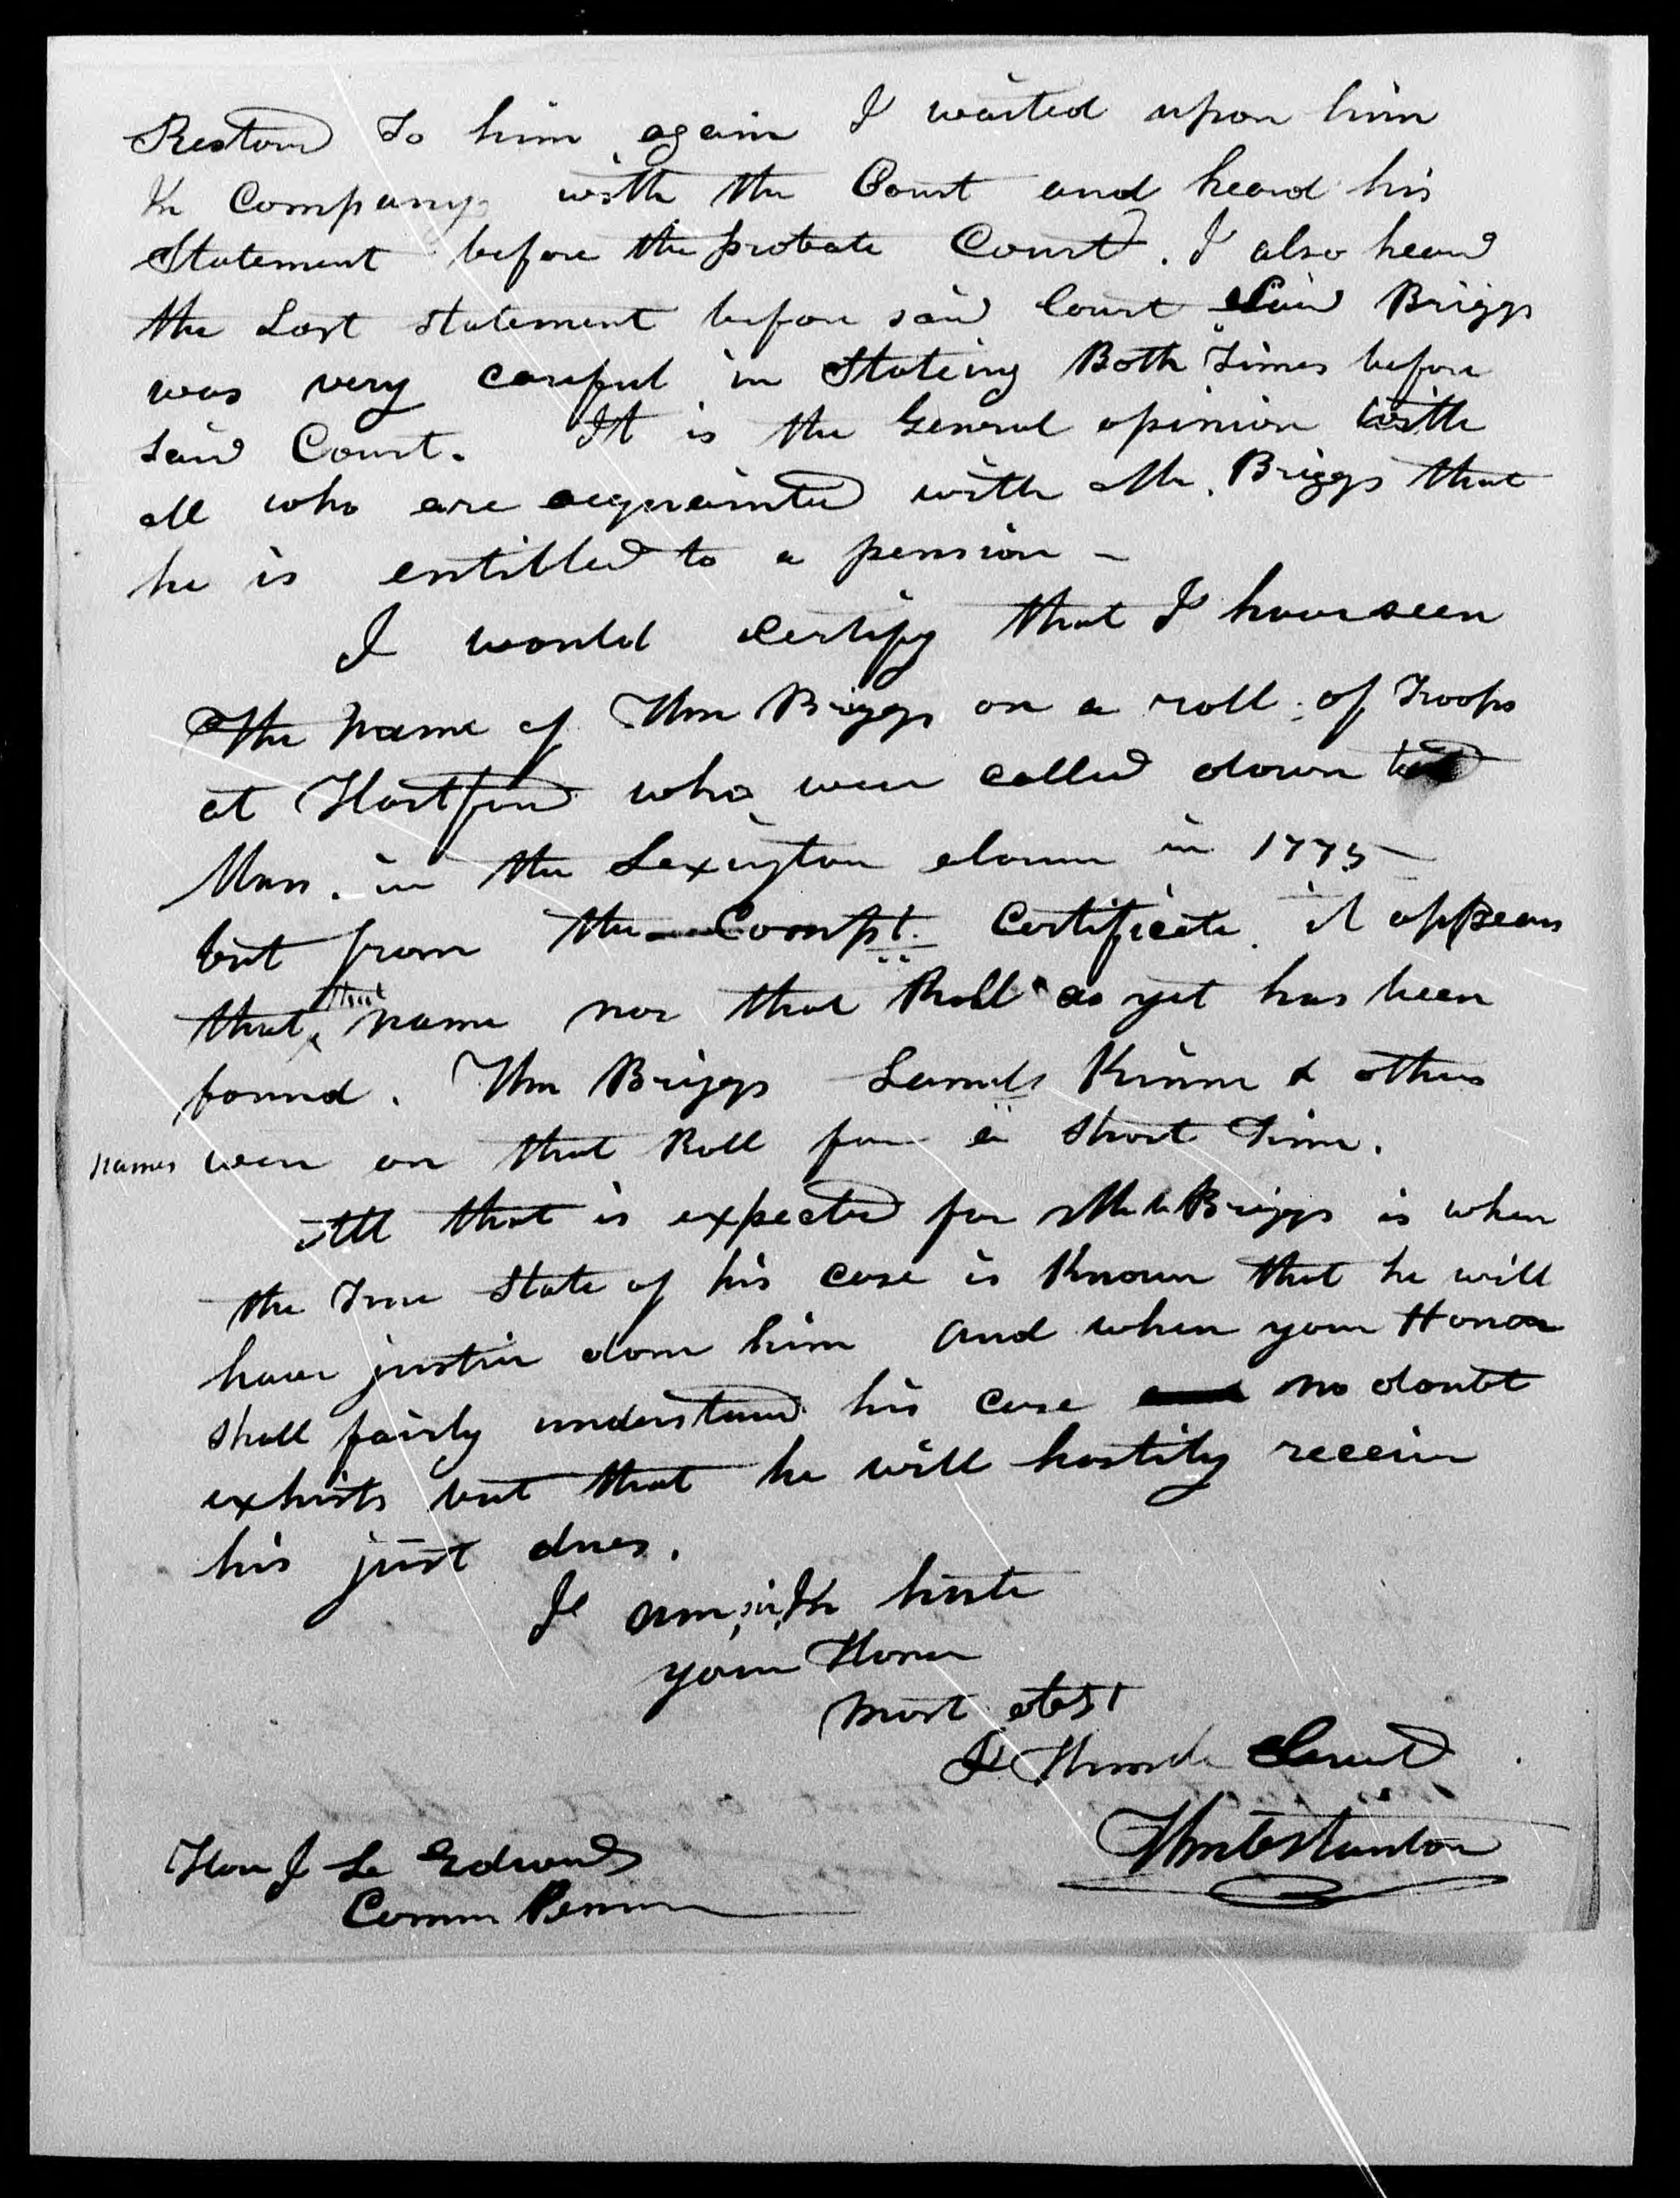Restored to him again I waited upon him In Company with the Court and heard his Statement before the Probate Court. I also heard the last statement before said Court said Briggs was very careful in Stating Both times before said Court. It is the General opinion with all who are acquainted with Mr. Briggs that he is entitled to a pension. 
I would certify that I have seen the name of Wm Briggs on a roll of Troops at Hartford who were called down to Mass. in the Lexington alarm in 1775 but from the Compt Certificate it appears that that name nor that Roll as yet has been found. Wm Briggs Landis Kimm & others names were on that Roll for a short time.
All that is expected for Mr Briggs is when the true State of his case is known that he will have justice done him and when your Honor shall fairly understand his case no doubt exhists but that he will hastily receive his just dues. 

 [illegible] 
your Honor 
[illrgible] 
[illegible] 

Hon J L. Edwards 
Comm Pensions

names: J L Edwrds, , Briggs, Wm Briggs, Wm Briggs, Briggs, Briggs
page: 18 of 37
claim: survivor's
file: S. 12,281, William Briggs, Conn.